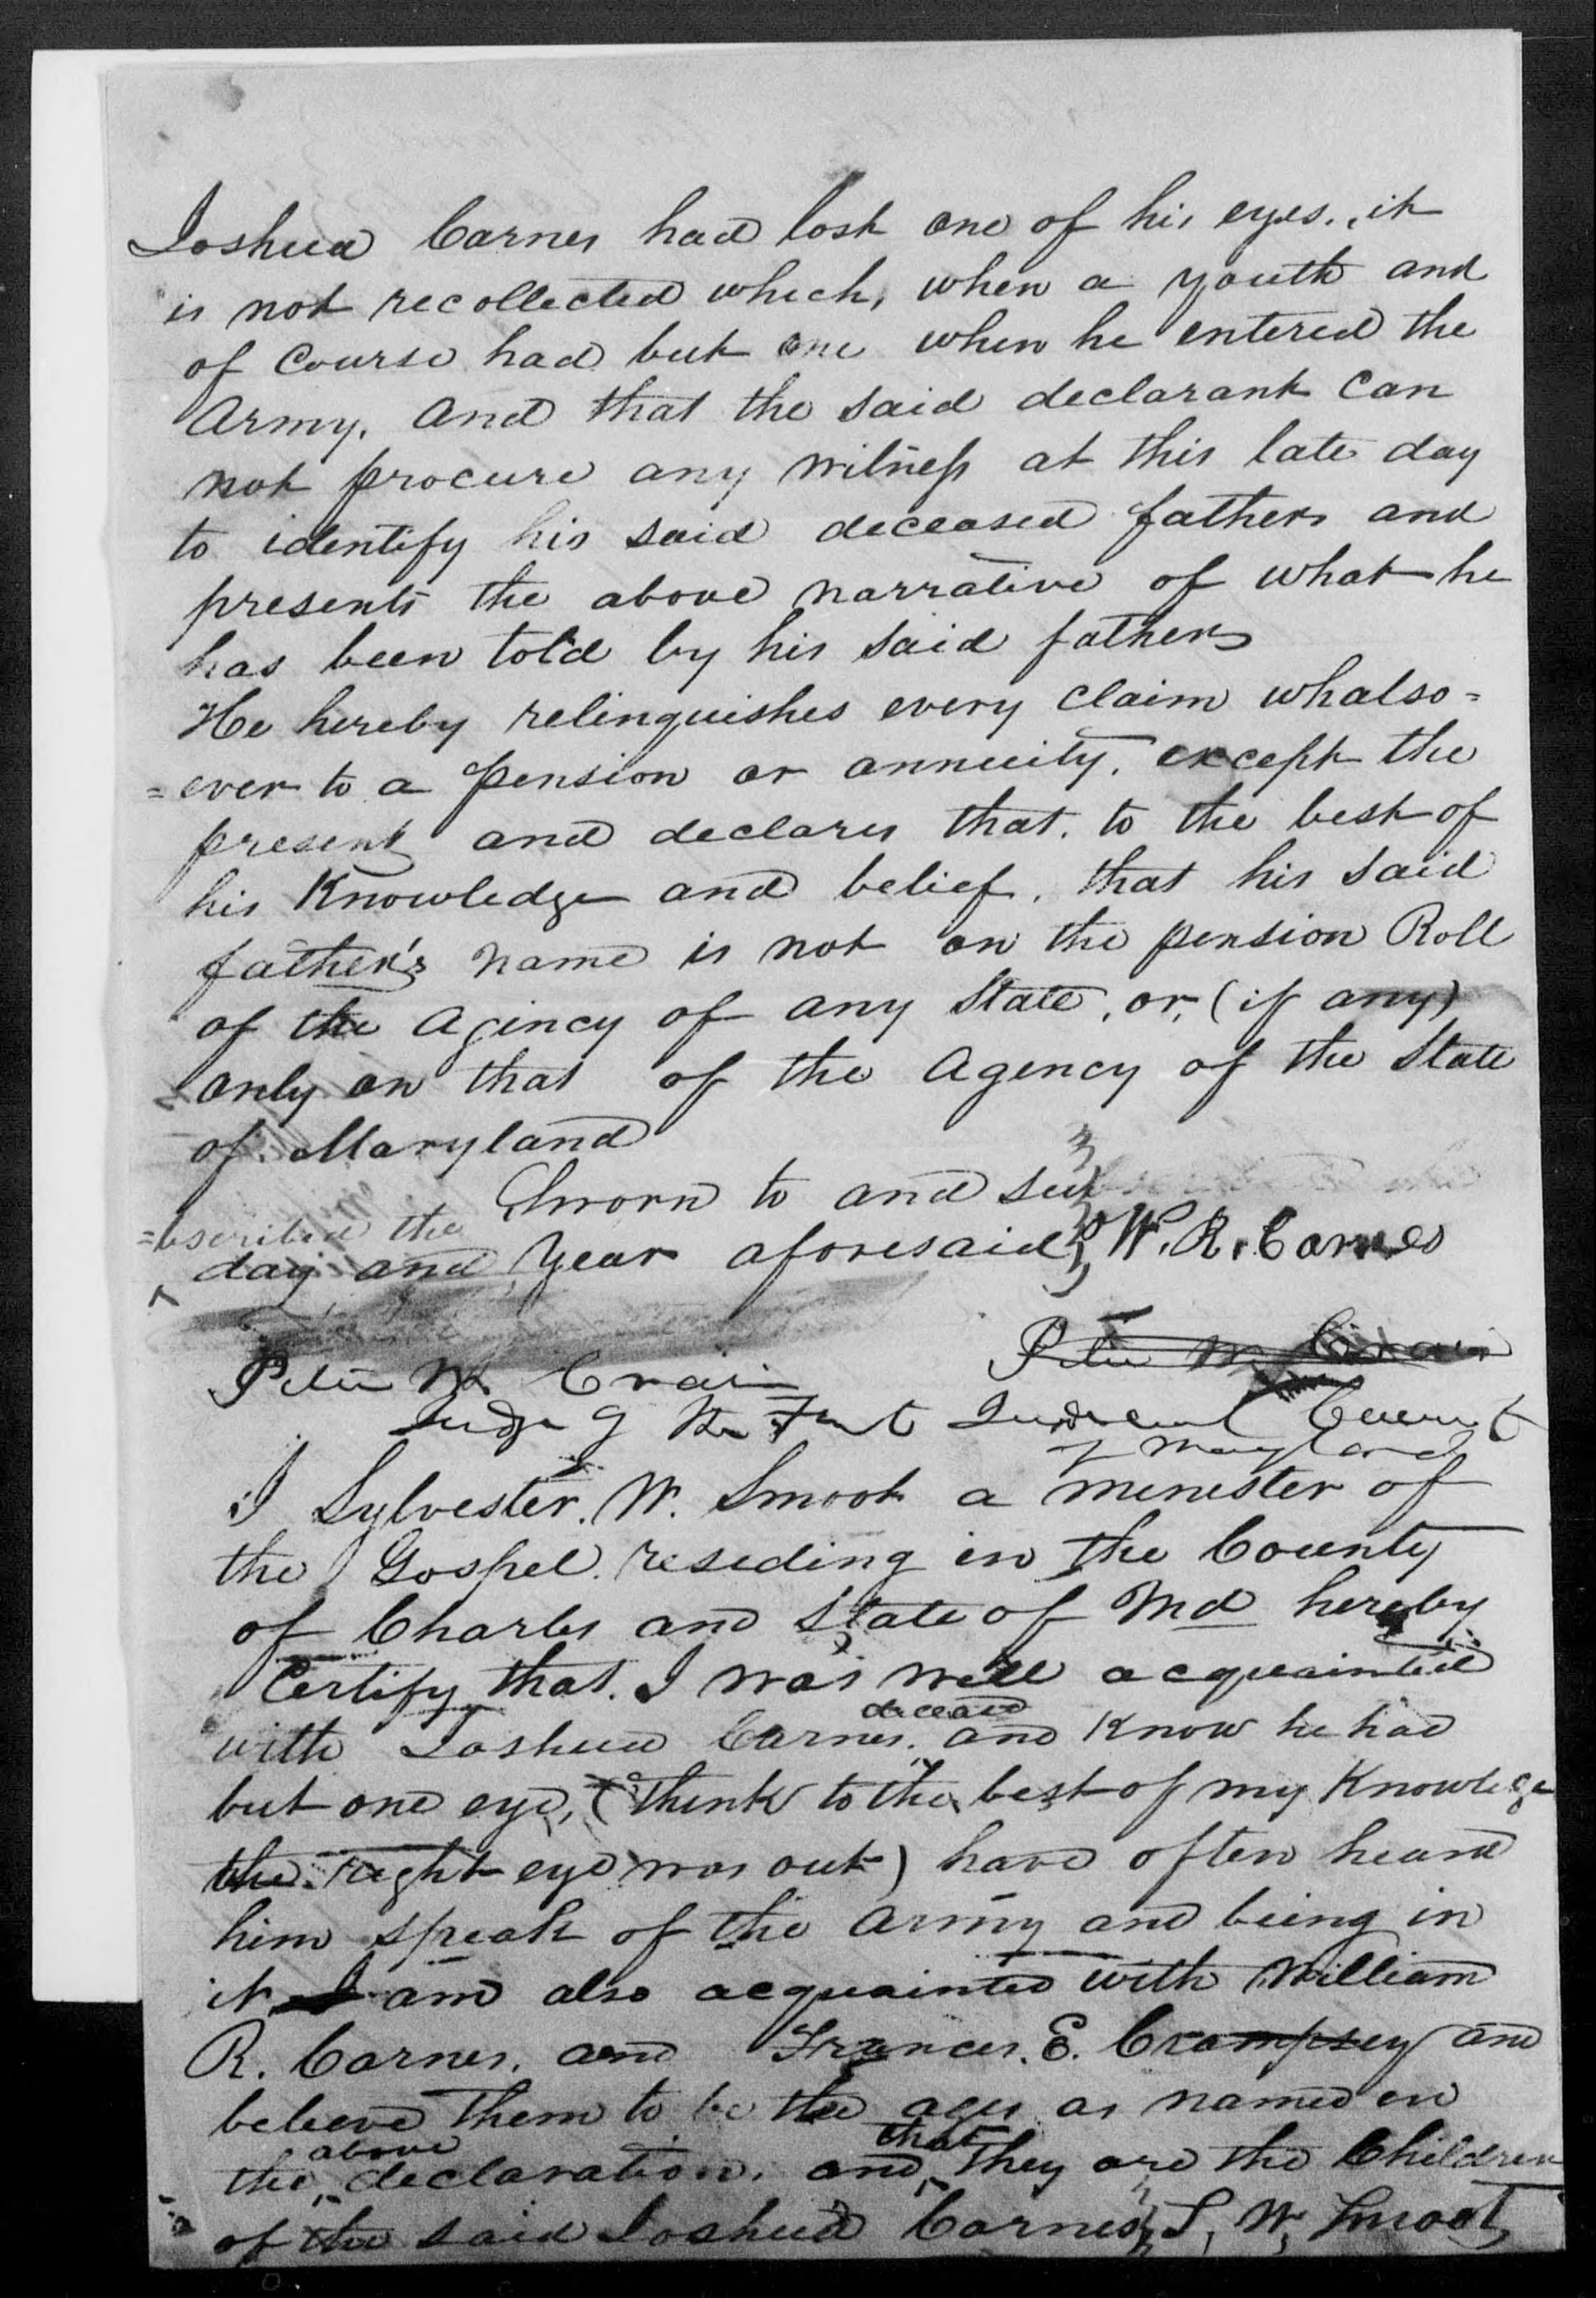Joshua Carnes had lost one of his eyes, it is not recollected which, when a youth and of course had but one when he entered the Army. And that the said declarant can not procure any witness at this late day to identify his said deceased fathers and present the above narrative of what he has been told by his said father.
He hereby relinquishes ever claim whatsoever to a pension or annuity. Except the present and declares that to the best of his knowledge and belief that his said fathers name is not on the pension roll of the Agency of any state or (if any) only on that of the Agency of the State of Maryland. 
Sworn to and 
Subscribed the day and year aforesaid, W.R. Carnes
Peter W. Crain
Judge of the First Judicial Circuit of Maryland 
I Sylvester W. Smoot a minister of the Gospel residing in the County of Charles and State of Md hereby certify that I was well acquainted with Joshua Carnes ^ deceased and know he had but one eye, (I think to the best of my knowledge the right eye was out) I have often heard him speak of the Army and being in it I am also acquainted with William R. Carnes and Frances E. Crampsey and believe them to be the ages as named on the ^ above declaration and that they are the children of said Joshua Carnes. [signature] S. W. Smoot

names: Joshua Carnes, Frances E Crampsey, Sylvester W Smoot, William R Carnes, S W Smoot, W R Carnes, Peter W Crain, Joshua Carnes, Joshua Carnes, Peter W Crain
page: 4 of 22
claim: rejected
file: R 1709, Joshua Carnes, Va.